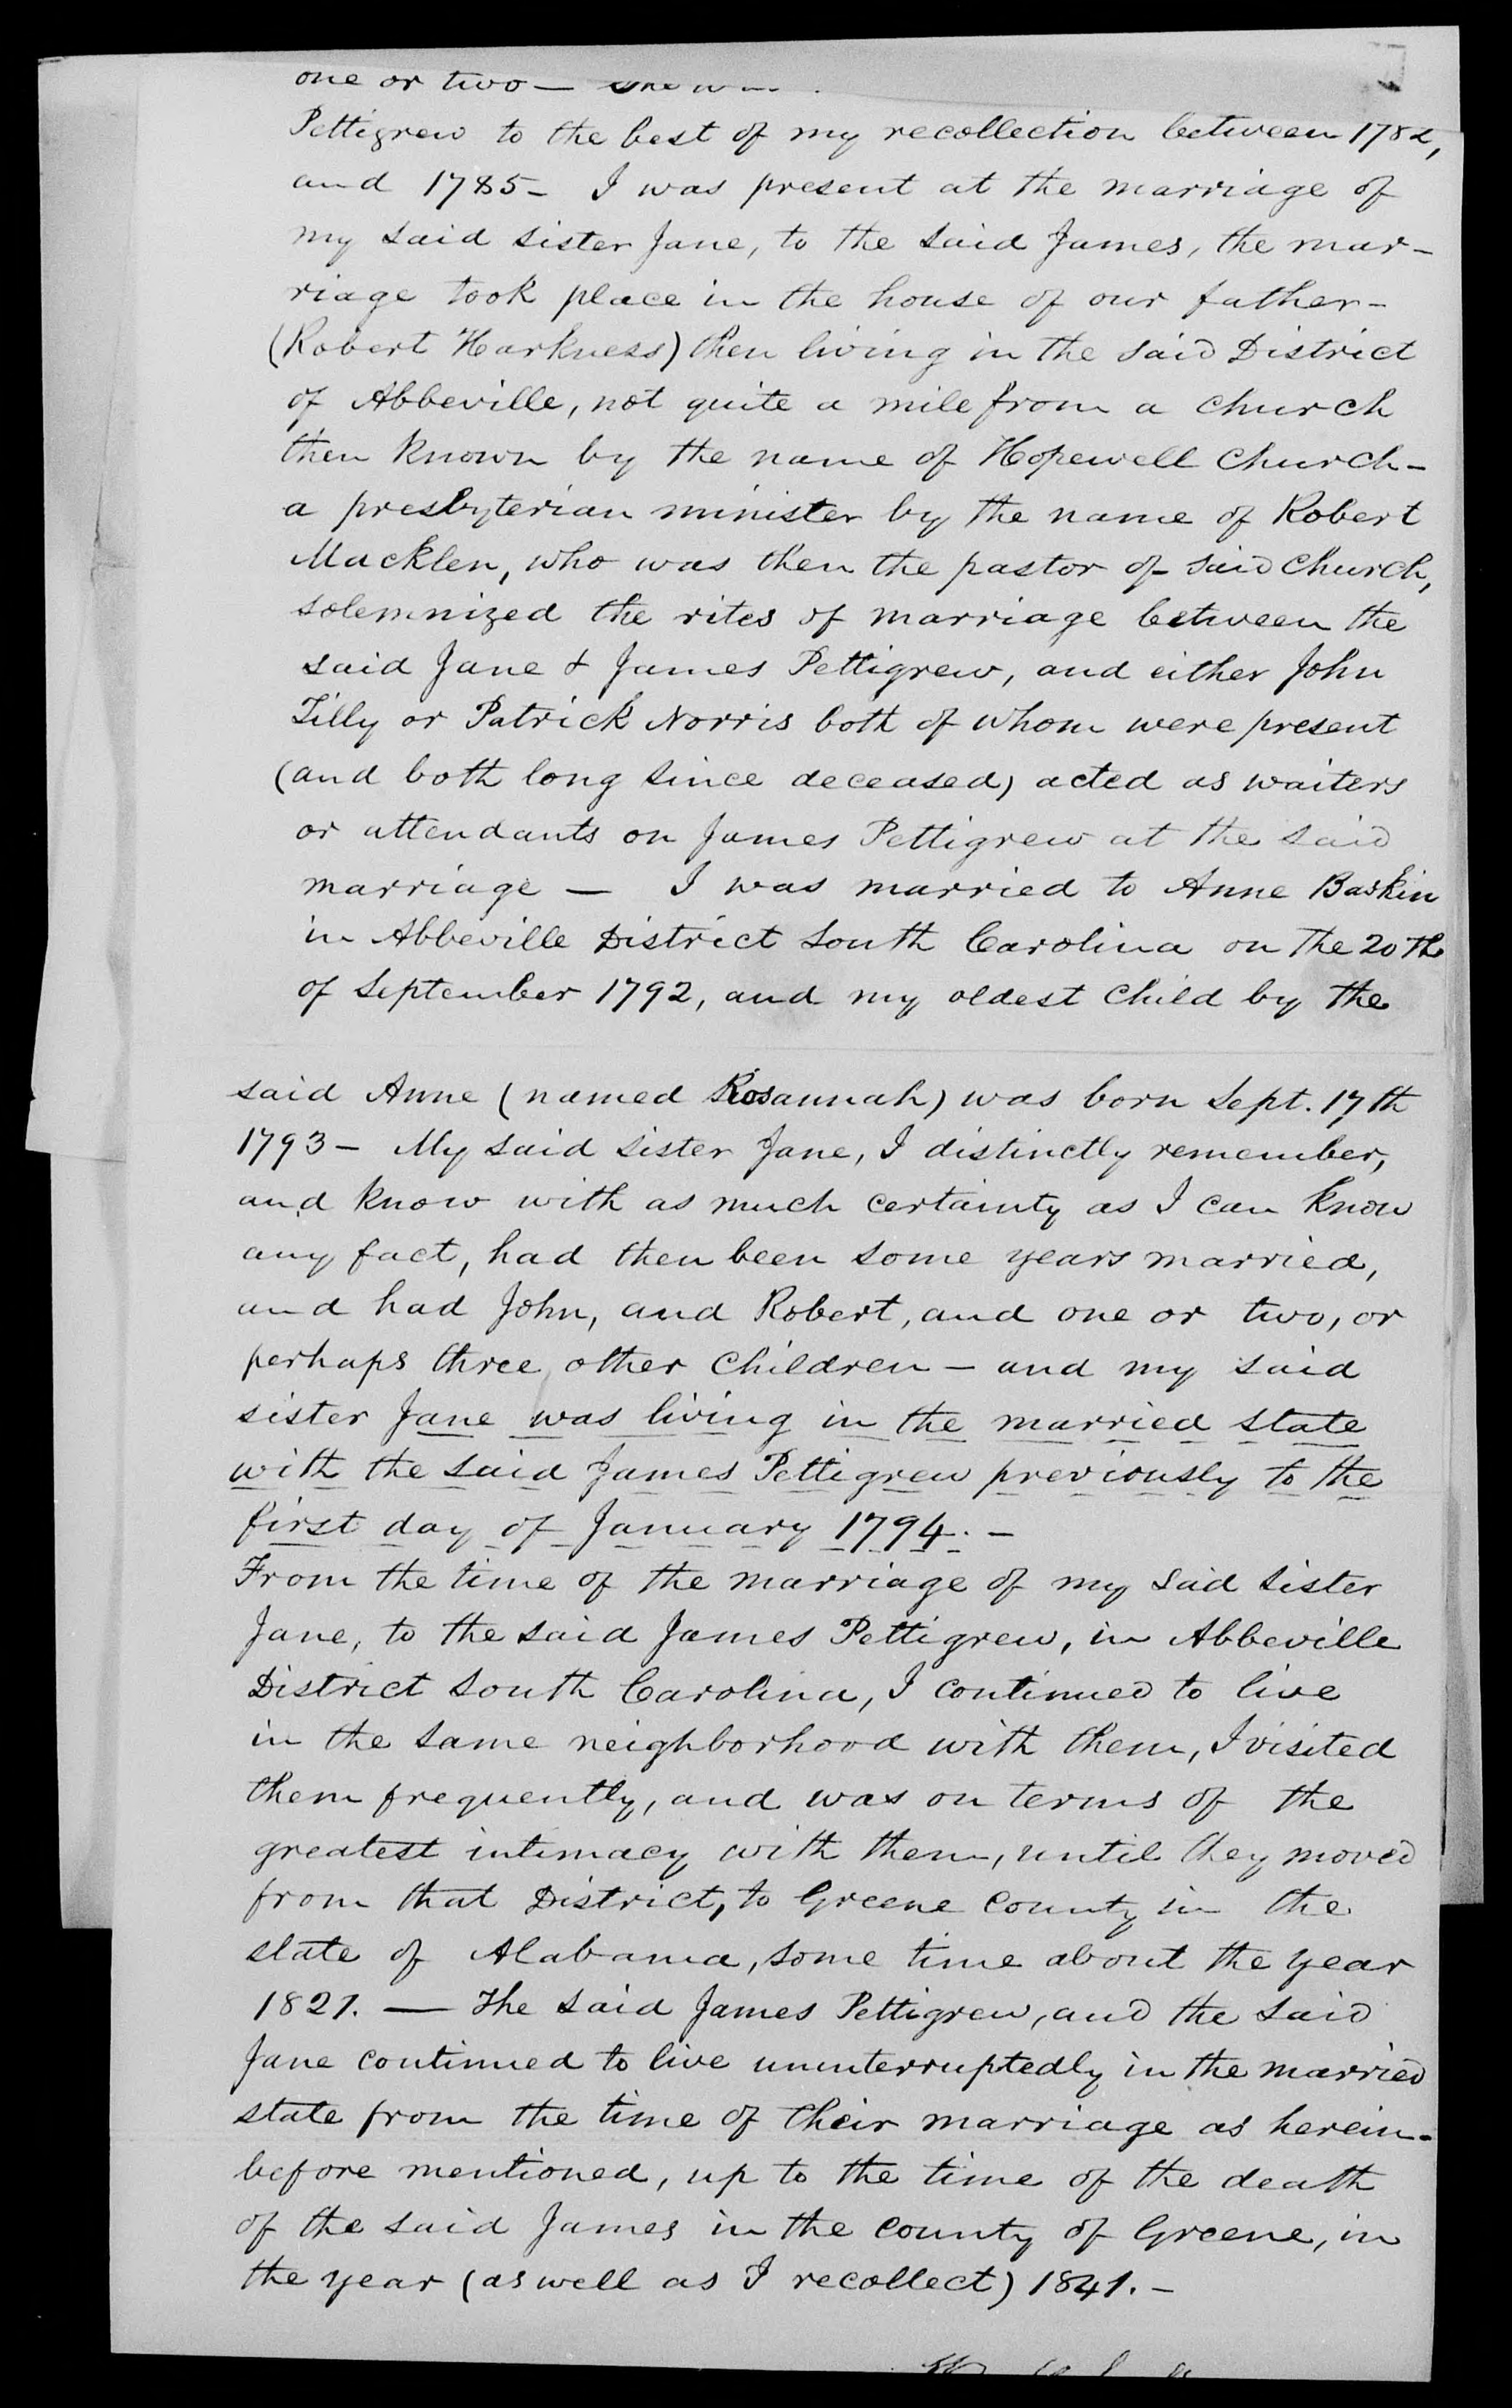one or two-She [illegible due to paper fold] Pettigrew to the best of my recollection between 1782, and 1785-I was present at the marriage of my said sister Jane, to the said James, the marriage took place in the house of our father-{Robert Harkness) then living in the said district of Abbeville, not quite a mile from a church then known by the name of Hopewell Church-a presbyterian minister by the name of Robert Macklen, who was then the pastor of the said church solemnized the rites of marriage between the said Jane & James Pettigrew, and either John Tilly or Patrick Norris both of of whom were present ( and both long since deceased) acted ad waiters or attendants on James Pettigrew at said marriage-I was married to Anne Baskin in Abbeville District South Carolina on The 20th of September 1792, and my oldest child by The

said Anne (named Rosannah) was born Sept. 17th 1793-My aid sister Jane, I distinctly remember, and know with as much certainty as I can know any fact, had then been some years married, and had John, and Robert, and one or two, or perhaps three other children-and my said sister Jane was living in the married state with the said James Pettigrew previously to the first day of January 1794.-
From the time of the marriage of my said sister   Jane, to the said James Pettigrew, in Abbeville District South Carolina, I continued to live in the same neighborhood with them, I visited them frequently, and was on terms of the greatest intimacy with them, until they moved from that District, to Greene County in the state of Alabama, some time about the year 1827.-The said James Pettigrew, and the said Jane continued to live uninterruptedly in the married state from the time of their marriage as herein-before mentioned, up to the time of the death of the said James in the county of Greene, in the year (as well as I recollect) 1841.-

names: Jane [BLANK]; James Pettigrew; Jane Pettigrew; Patrick Norris; [BLANK] Pettigrew; Anne Baskin; John Tilly; Robert Macklen; John [BLANK]; Robert [BLANK]; Robert Harkness; Rosannah [BLANK]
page: 10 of 92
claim: widow's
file: W. 5522, for James Pettigrew, South Carolina